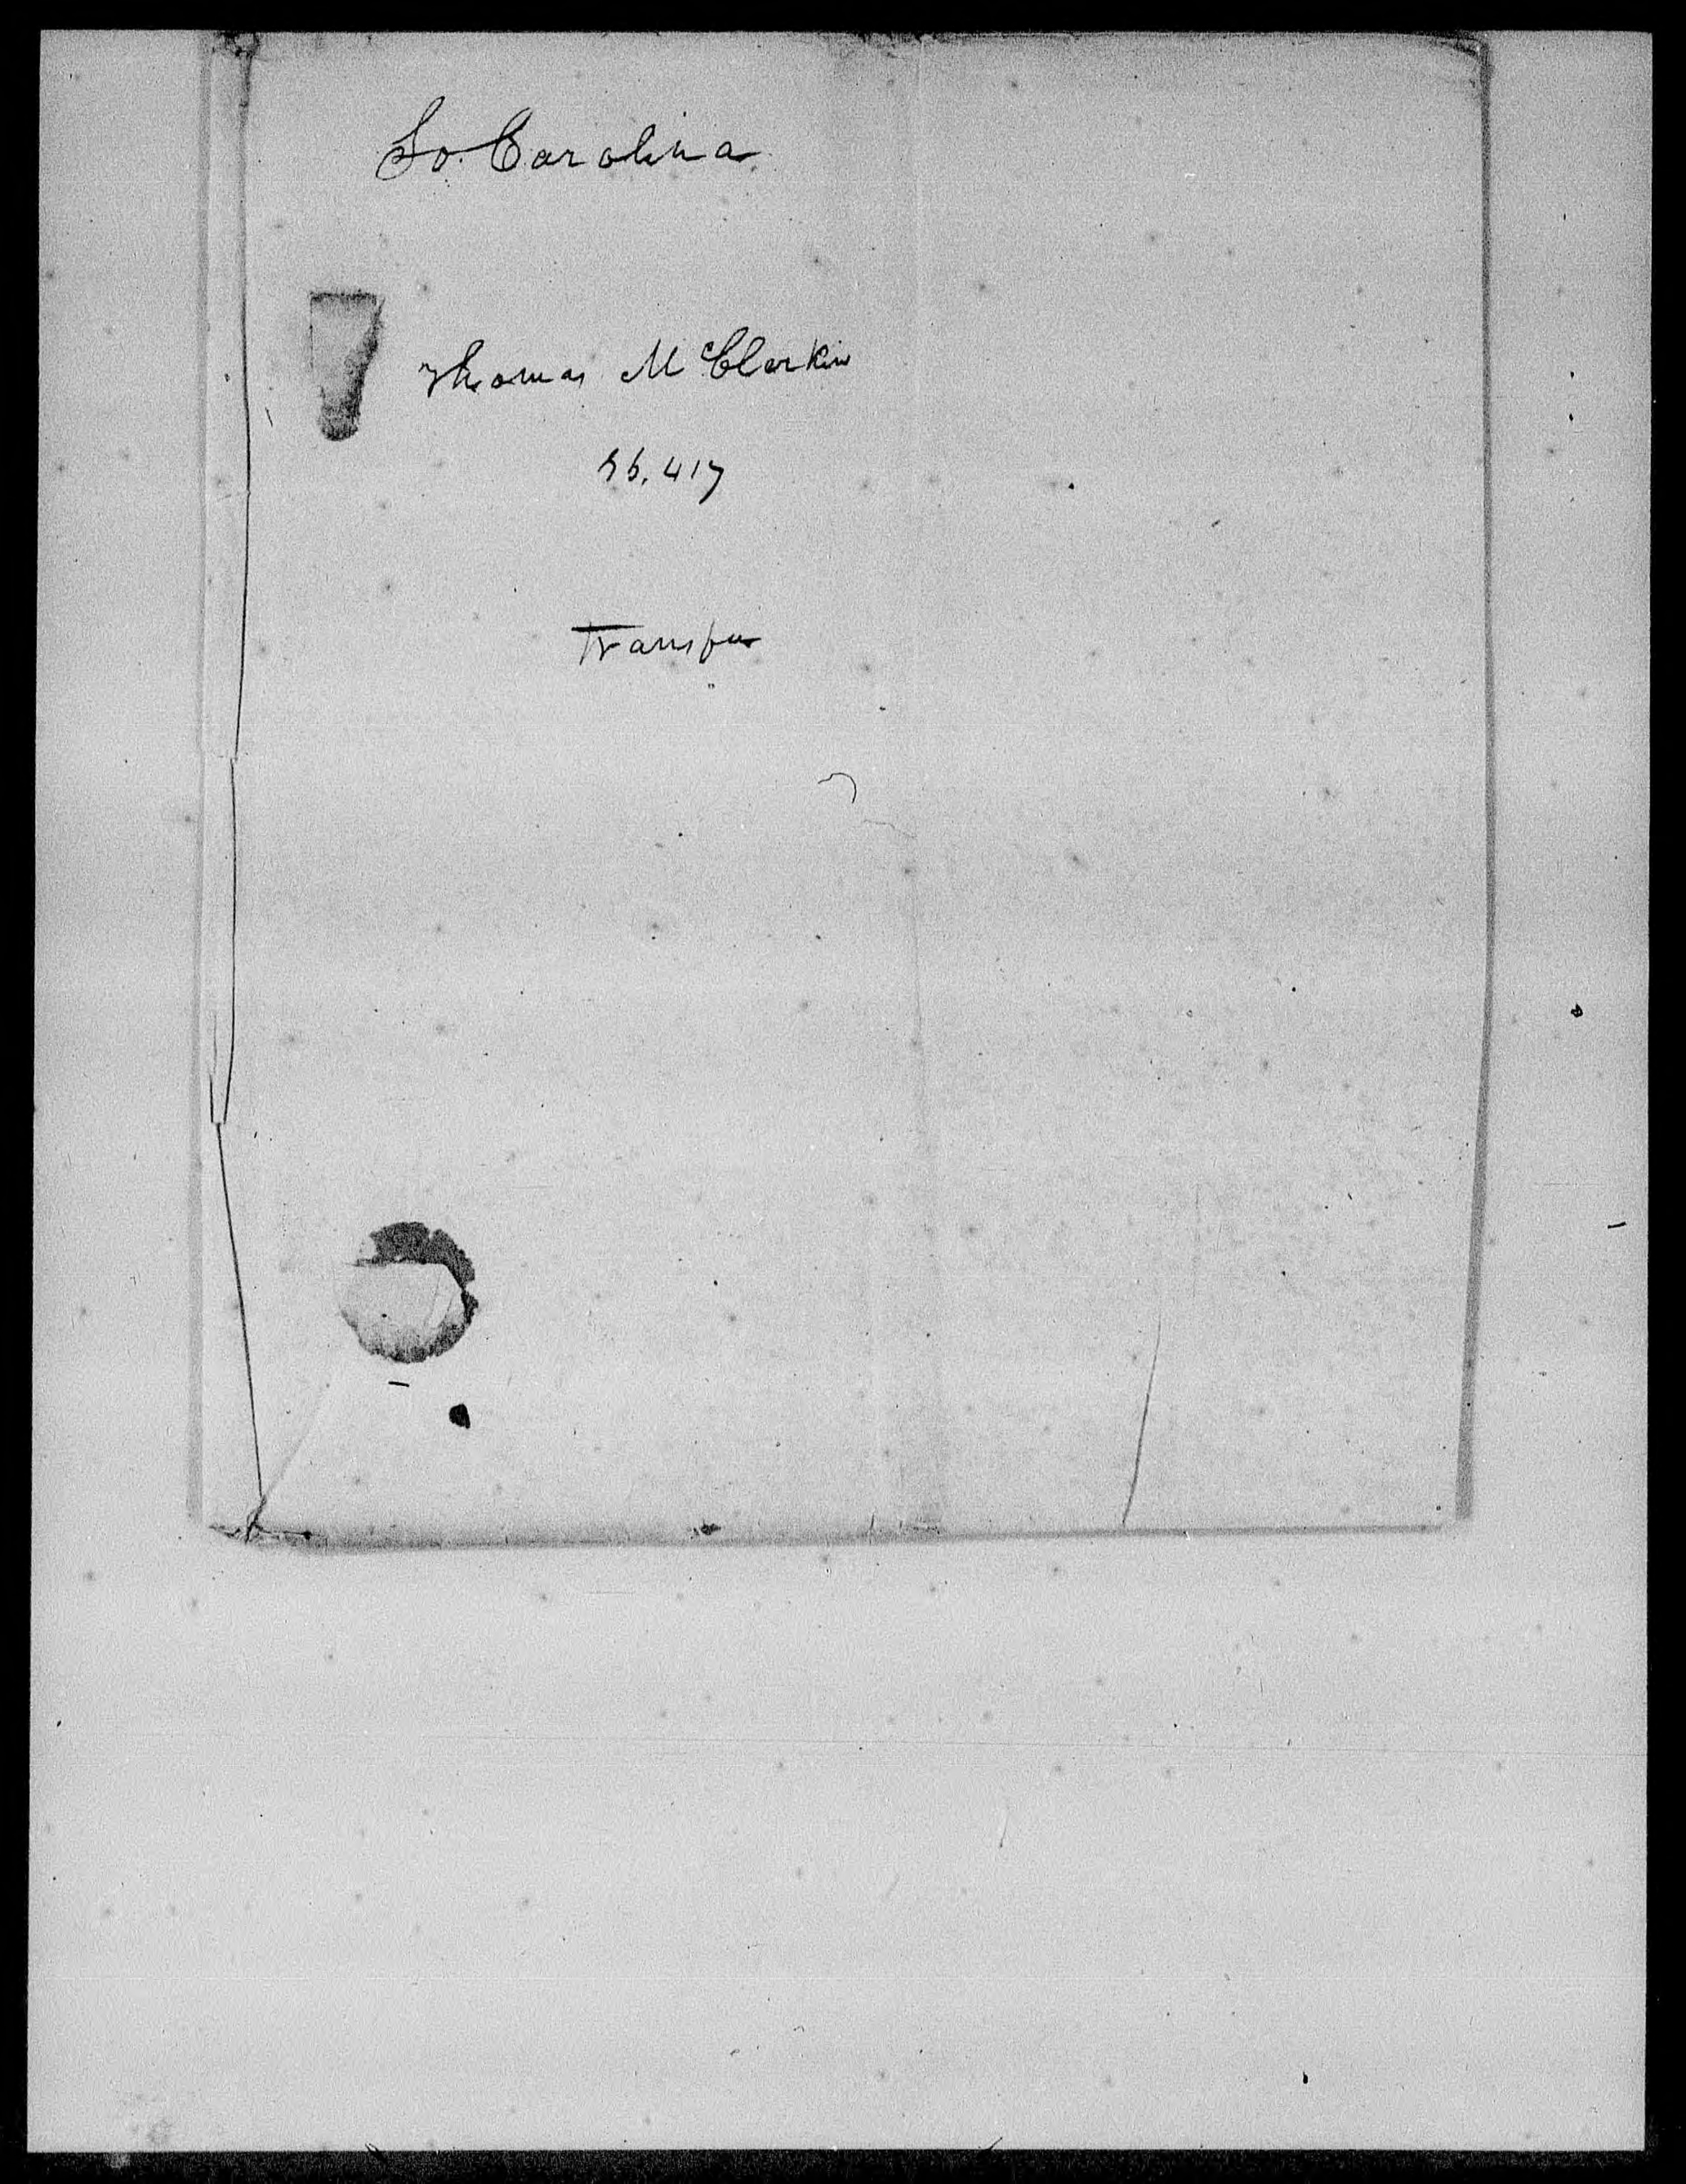So Carolina

Thomas McClurken

55,417

Transfer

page: 31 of 93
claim: widow's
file: W. 21792, for Thomas Mc Clurken, South Carolina